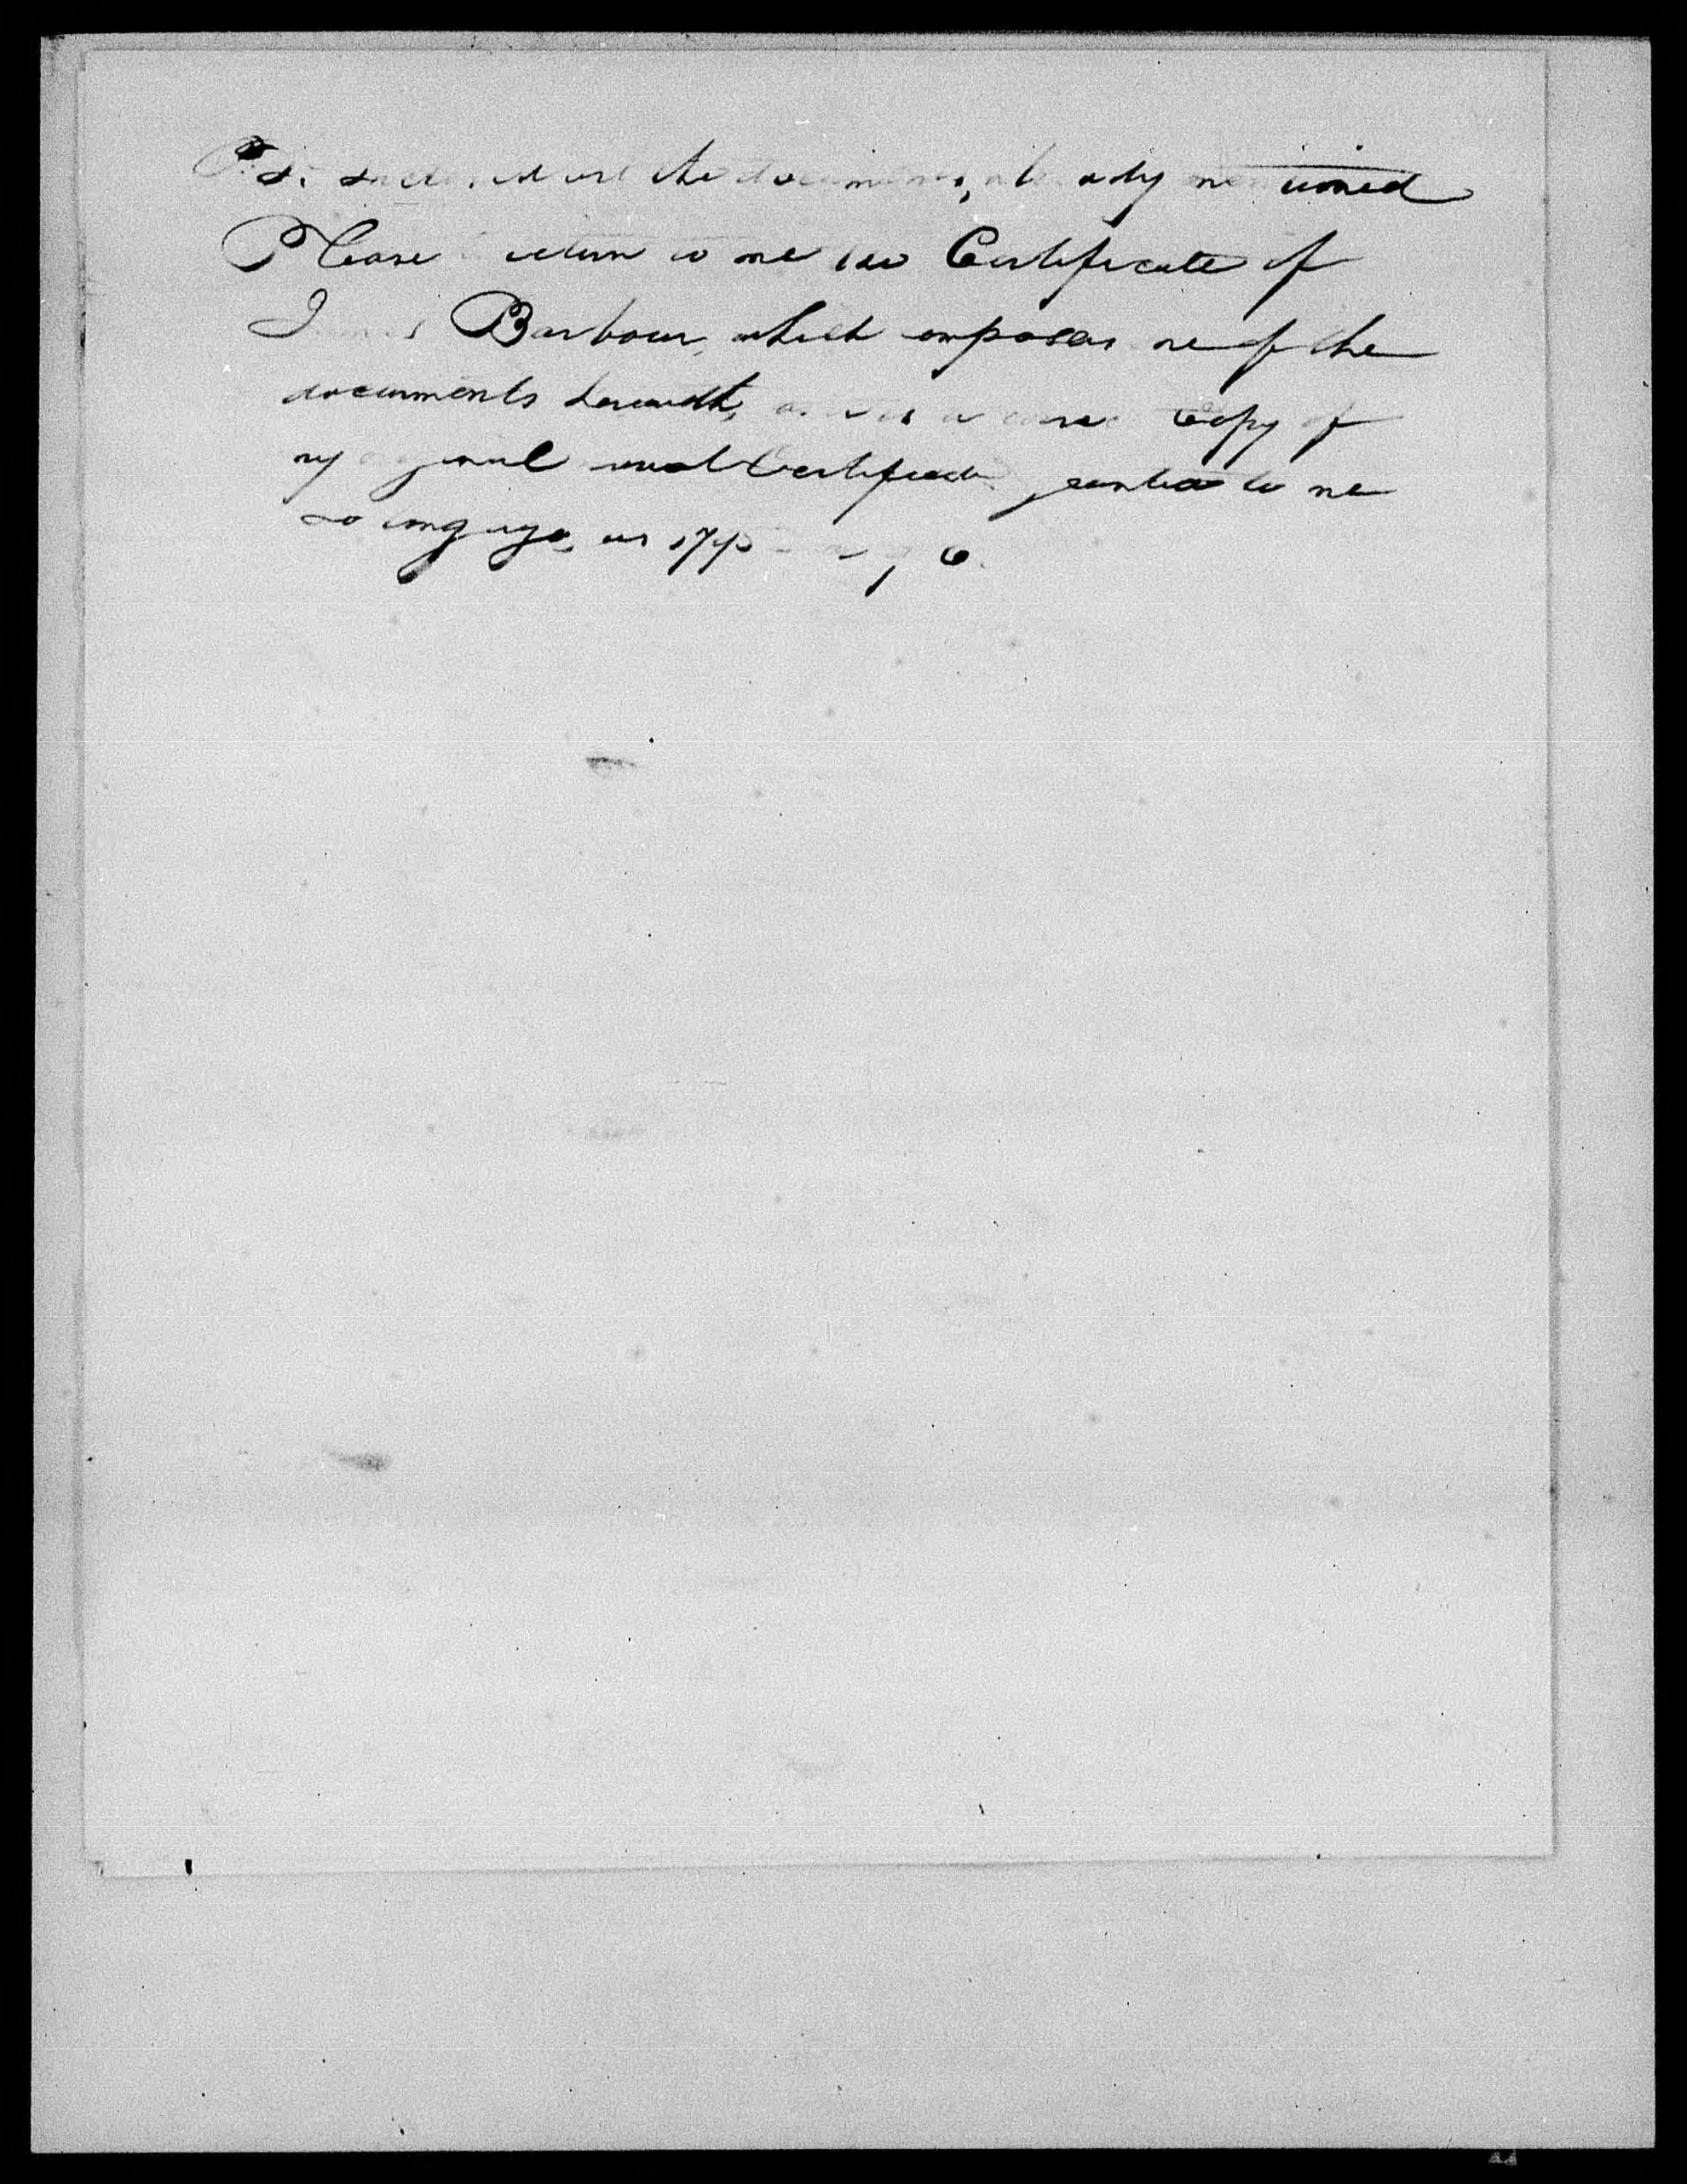[illegible] only mentioned
Please return to me the certificate of James Barbour, which imposes one of the documents herewith [illegible] copy of my original [illegible] Certificate [illegible ] to me
[illegible] 1776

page: 20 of 28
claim: survivor's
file: S. 5,048, for Henry Malcolm